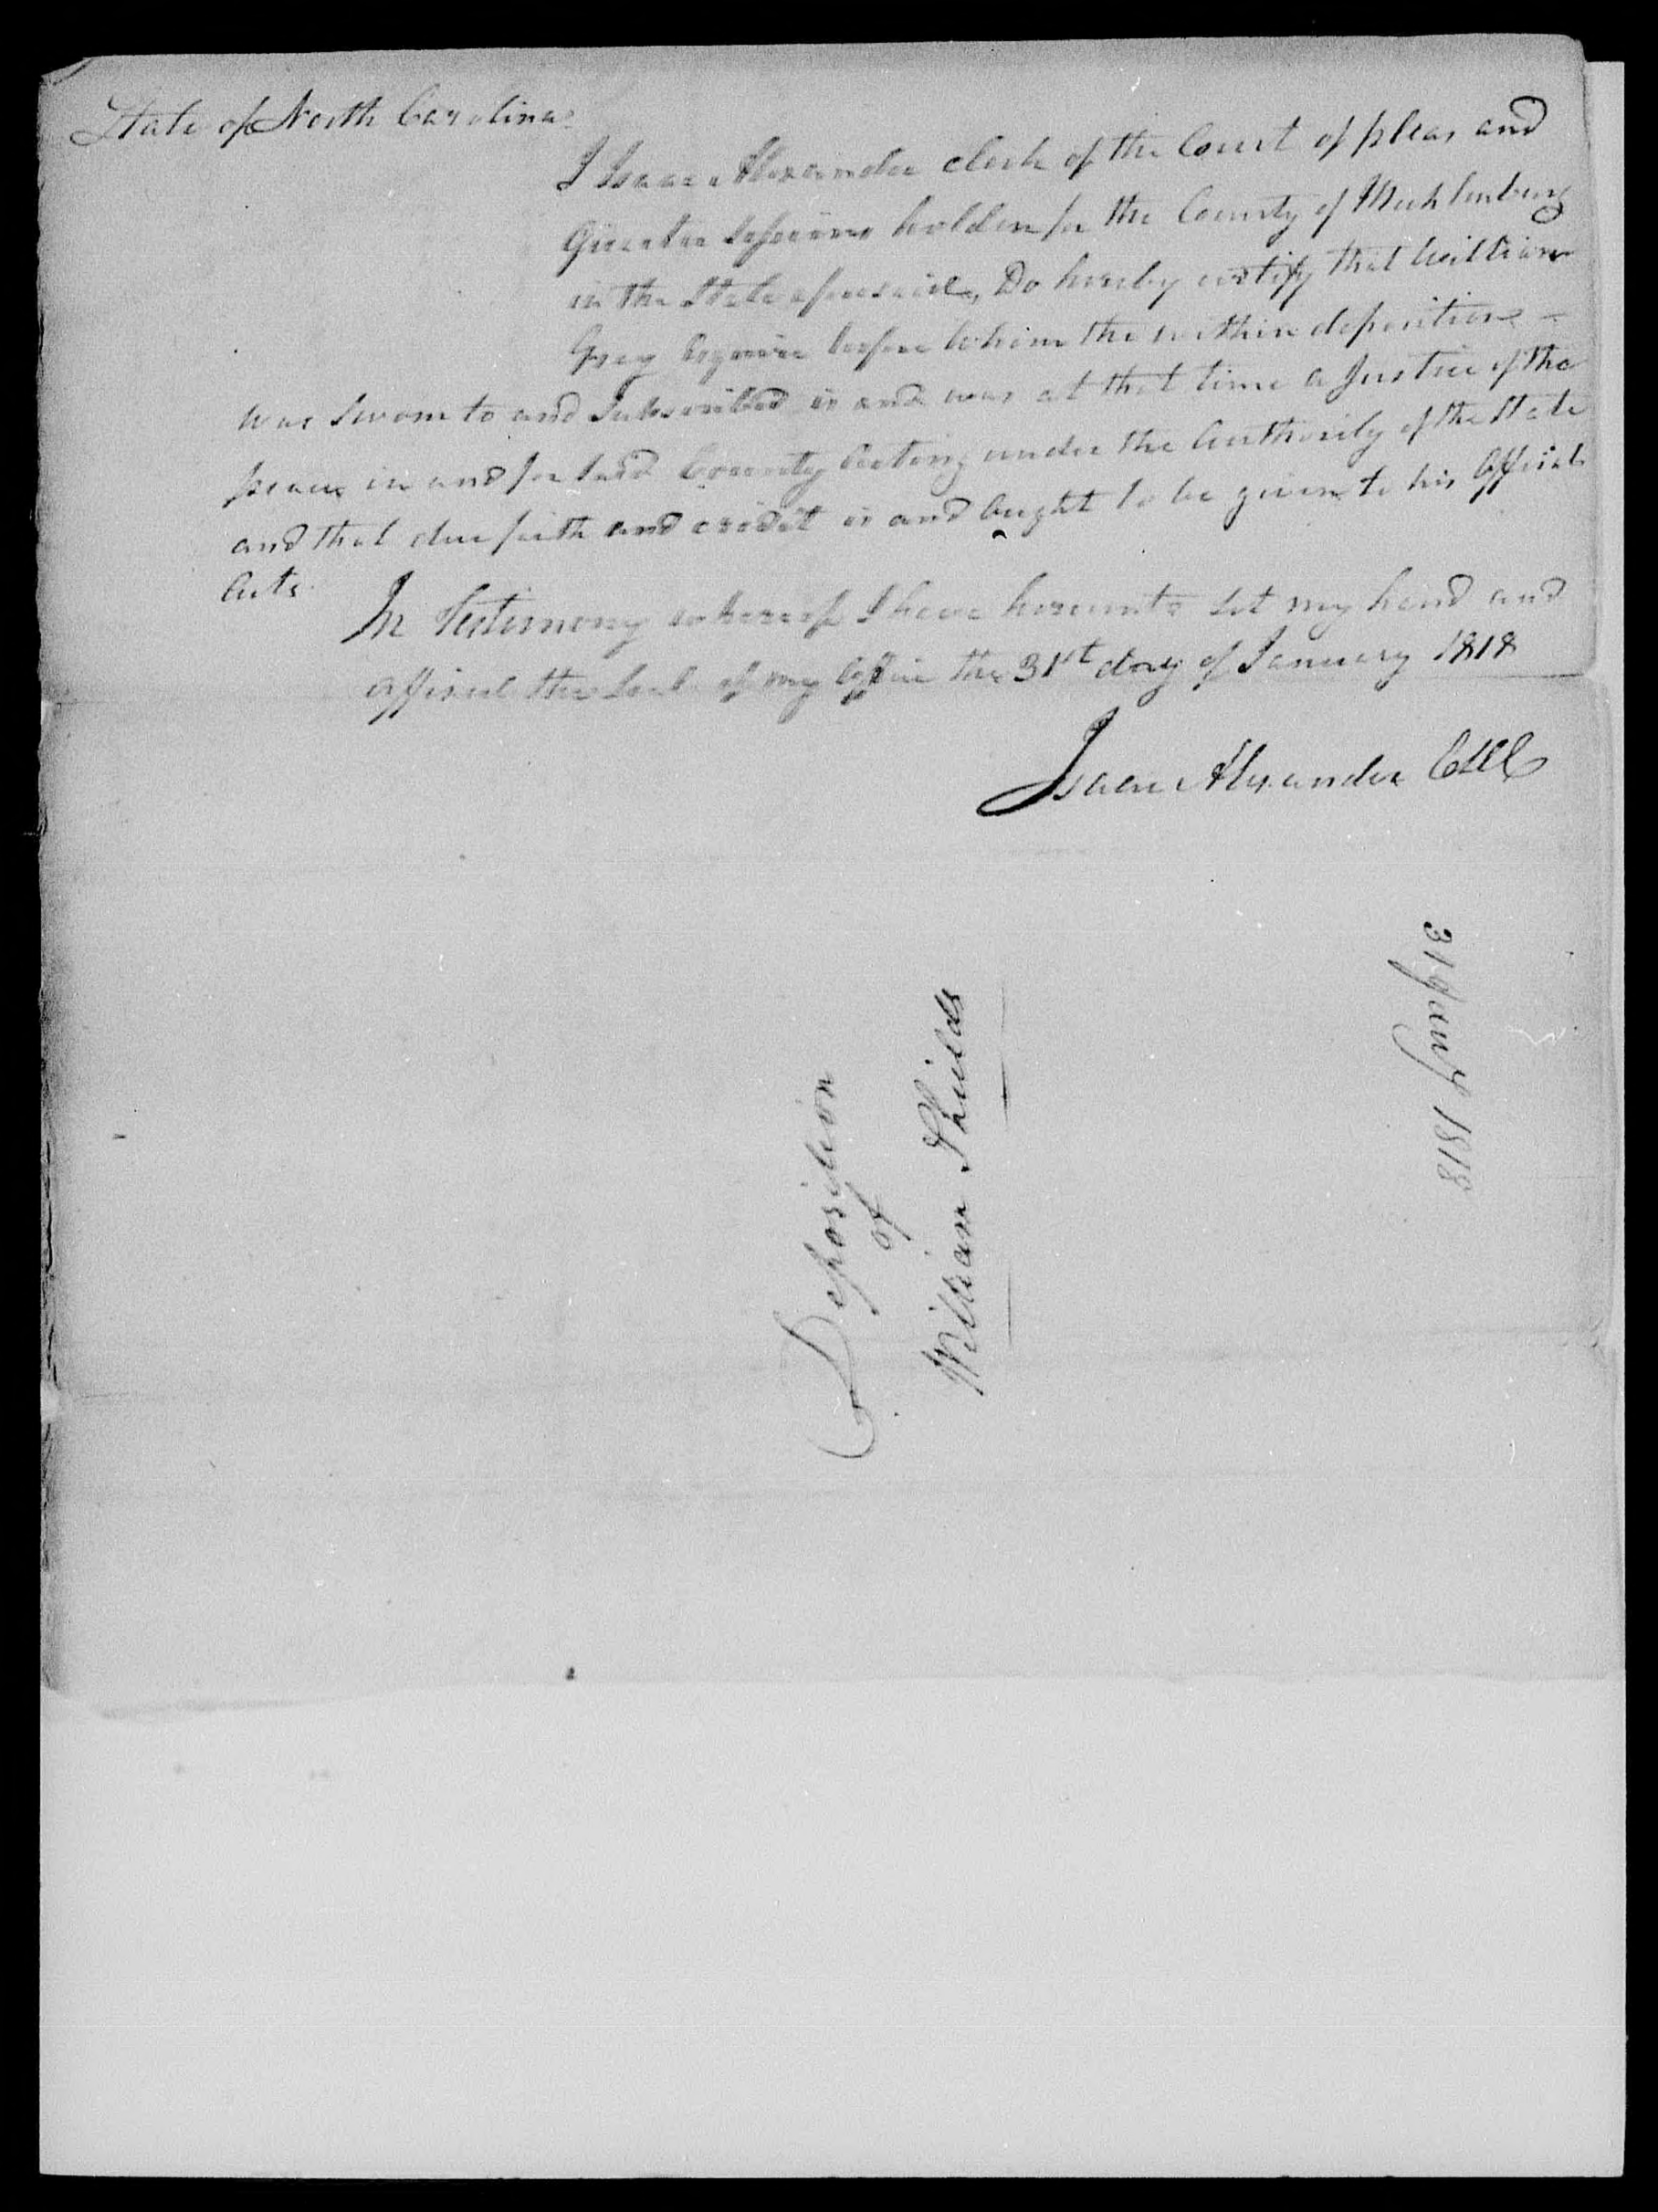State of North Carolina
I Issac Alexander Clerk of the Court of pleas and Quarter sessions held in for the county of Mecklinburg
in the State foresaid, do hereby certify that William
Gray Esquire before whom the within deposition
was sworn to and subscribed in and was at that time a Justice of the
peace in and for said County acting under the authority of the state
and that due faith and credit is and ought to be given to his affidavits
 In testimony whereof I have hereunto set my hand and
affixed the seal of my office the 31st day of January 1818
Isaac Alexander Clk

Deposition
of
William Shields

31 Jany 1818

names: Isaac Alexander, Isaac Alexander, William Shields, William Gray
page: 15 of 26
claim: survivor's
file: S. 352, Robert Craighead, N.C.